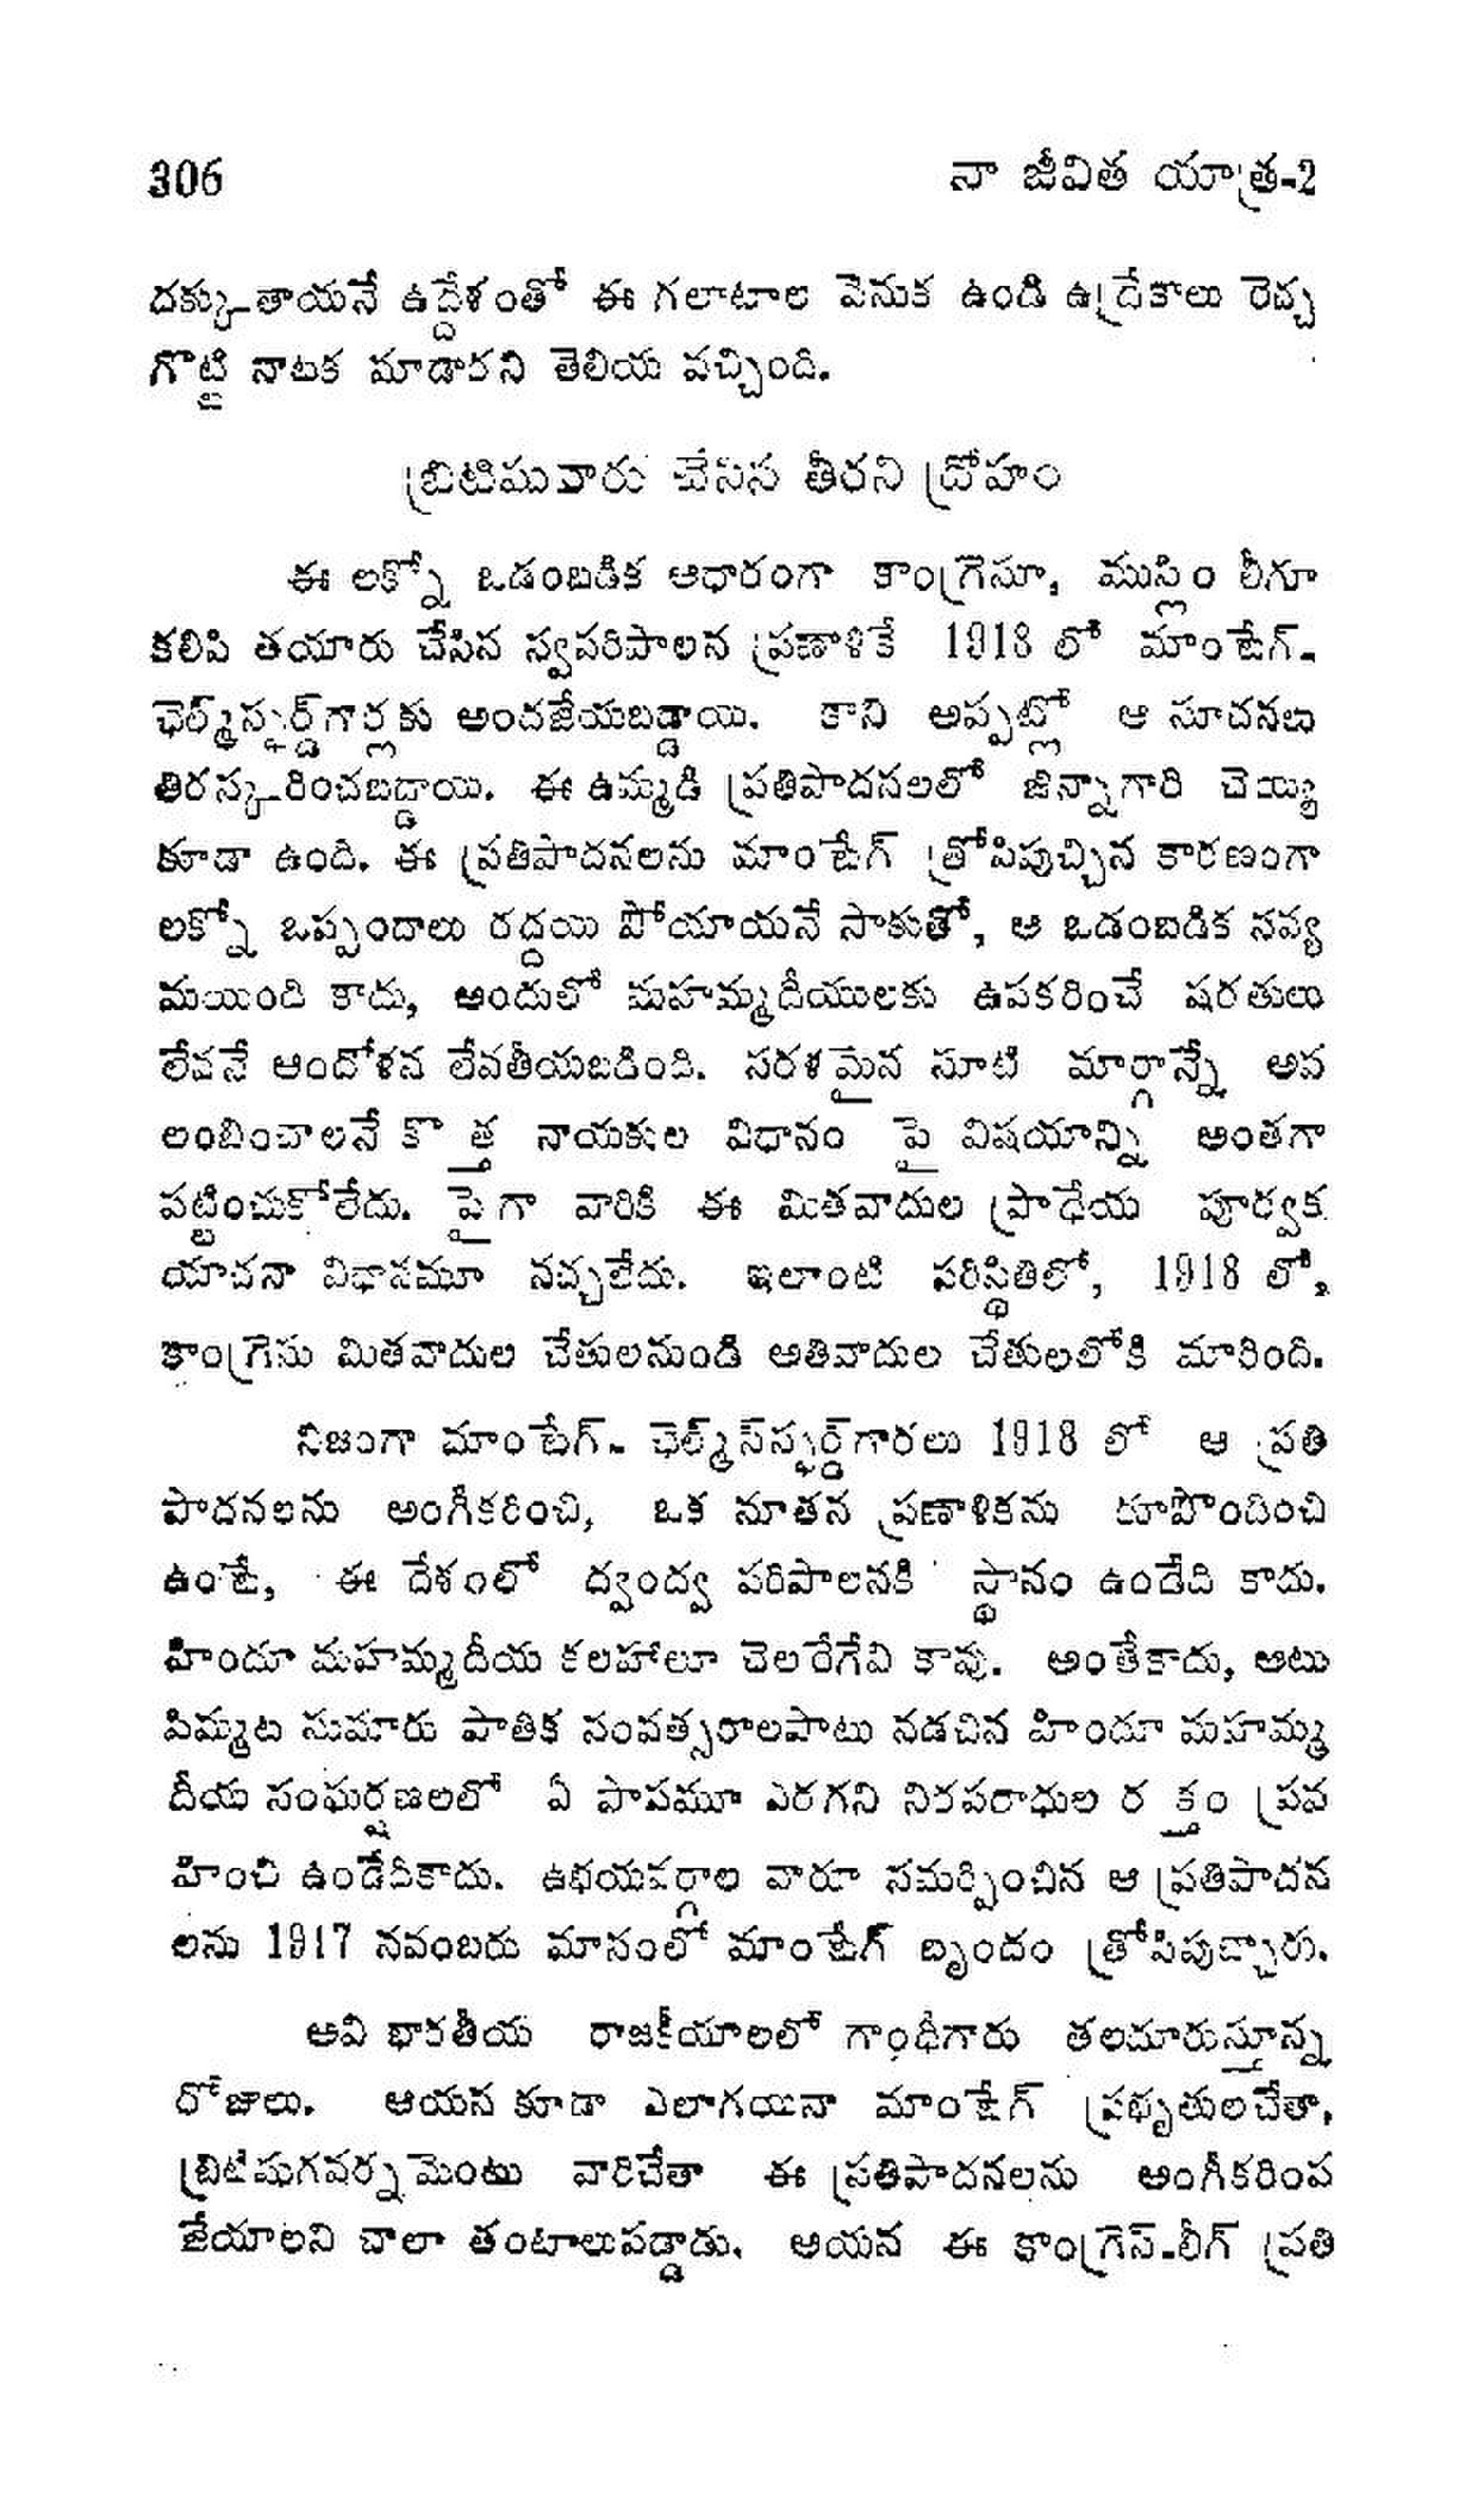దక్కుతాయనే ఉద్దేశంతో ఈ గలాటాల వెనుక ఉండి ఉద్రేకాలు రెచ్చగొట్టి నాటక మాడారని తెలియ వచ్చింది.

ఈ లక్నో ఒడంబడిక ఆధారంగా కాంగ్రెసూ, ముస్లిం లీగూ కలిపి తయారు చేసిన స్వపరిపాలన ప్రణాళికే 1918 లో మాంటేగ్-ఛెల్మ్‌స్ఫర్డ్‌గార్లకు అందజేయబడ్డాయి. కాని అప్పట్లో ఆ సూచనలు తిరస్కరించబడ్డాయి. ఈ ఉమ్మడి ప్రతిపాదనలో జిన్నాగారి చెయ్యి కూడా ఉంది. ఈ ప్రతిపాదనలకు మాంటేగ్ త్రోసిపుచ్చిన కారణంగా లక్నో ఒప్పందాలు రద్దయి పోయాయనే సాకుతో, ఆ ఒడంబడిక సవ్య మయింది కాదు, అందులో మహమ్మదీయులకు ఉపకరించే షరతులు లేవనే ఆందోళన లేవతీయబడింది. సరళమైన సూటి మార్గాన్నే అవలంబించాలనే కొత్త నాయకుల విధానం పై విషయాన్ని అంతగా పట్టించుకోలేదు. పైగా వారికి ఈ మితవాదుల ప్రాధేయ పూర్వక యాచనా విధానమూ నచ్చలేదు. ఇలాంటి పరిస్థితిలో, 1918లో, కాంగ్రెసు మితవాదుల చేతులనుండి అతివాదుల చేతులలోకి మారింది.

నిజంగా మాంటేగ్-ఛెల్మ్‌స్‌స్ఫర్డ్‌గారలు 1918లో ఆ ప్రతిపాదనలను అంగీకరించి, ఒక నూతన ప్రణాళికను రూపొందించి ఉంటే, ఈ దేశంలో ద్వంద్వ పరిపాలనకి స్థానం ఉండేది కాదు. హిందూ మహమ్మదీయ కలహాలూ చెలరేగేవి కావు. అంతేకాదు, అటుపిమ్మట సుమారు పాతిక సంవత్సరాలపాటు నడచిన హిందూ మహమ్మదీయ సంఘర్షణలలో ఏ పాపమూ ఎరగని నిరపరాధుల రక్తం ప్రవహించి ఉండేదికాదు. ఉభయవర్గాల వారూ సమర్పించిన ఆ ప్రతిపాదనలను 1917 నవంబరు మాసంలో మాంటేగ్ బృందం త్రోసిపుచ్చారు.

అవి భారతీయ రాజకీయాలలో గాంధీగారు తలదూరుస్తూన్న రోజులు. ఆయన కూడా ఎలాగయినా మాంటేగ్ ప్రభృతులచేతా, బ్రిటిషుగవర్నమెంటు వారిచేతా ఈ ప్రతిపాదనలను అంగీకరింప జేయాలని చాలా తంటాలుపడ్డారు. ఆయన ఈ కాంగ్రెస్-లీగ్ ప్రతి